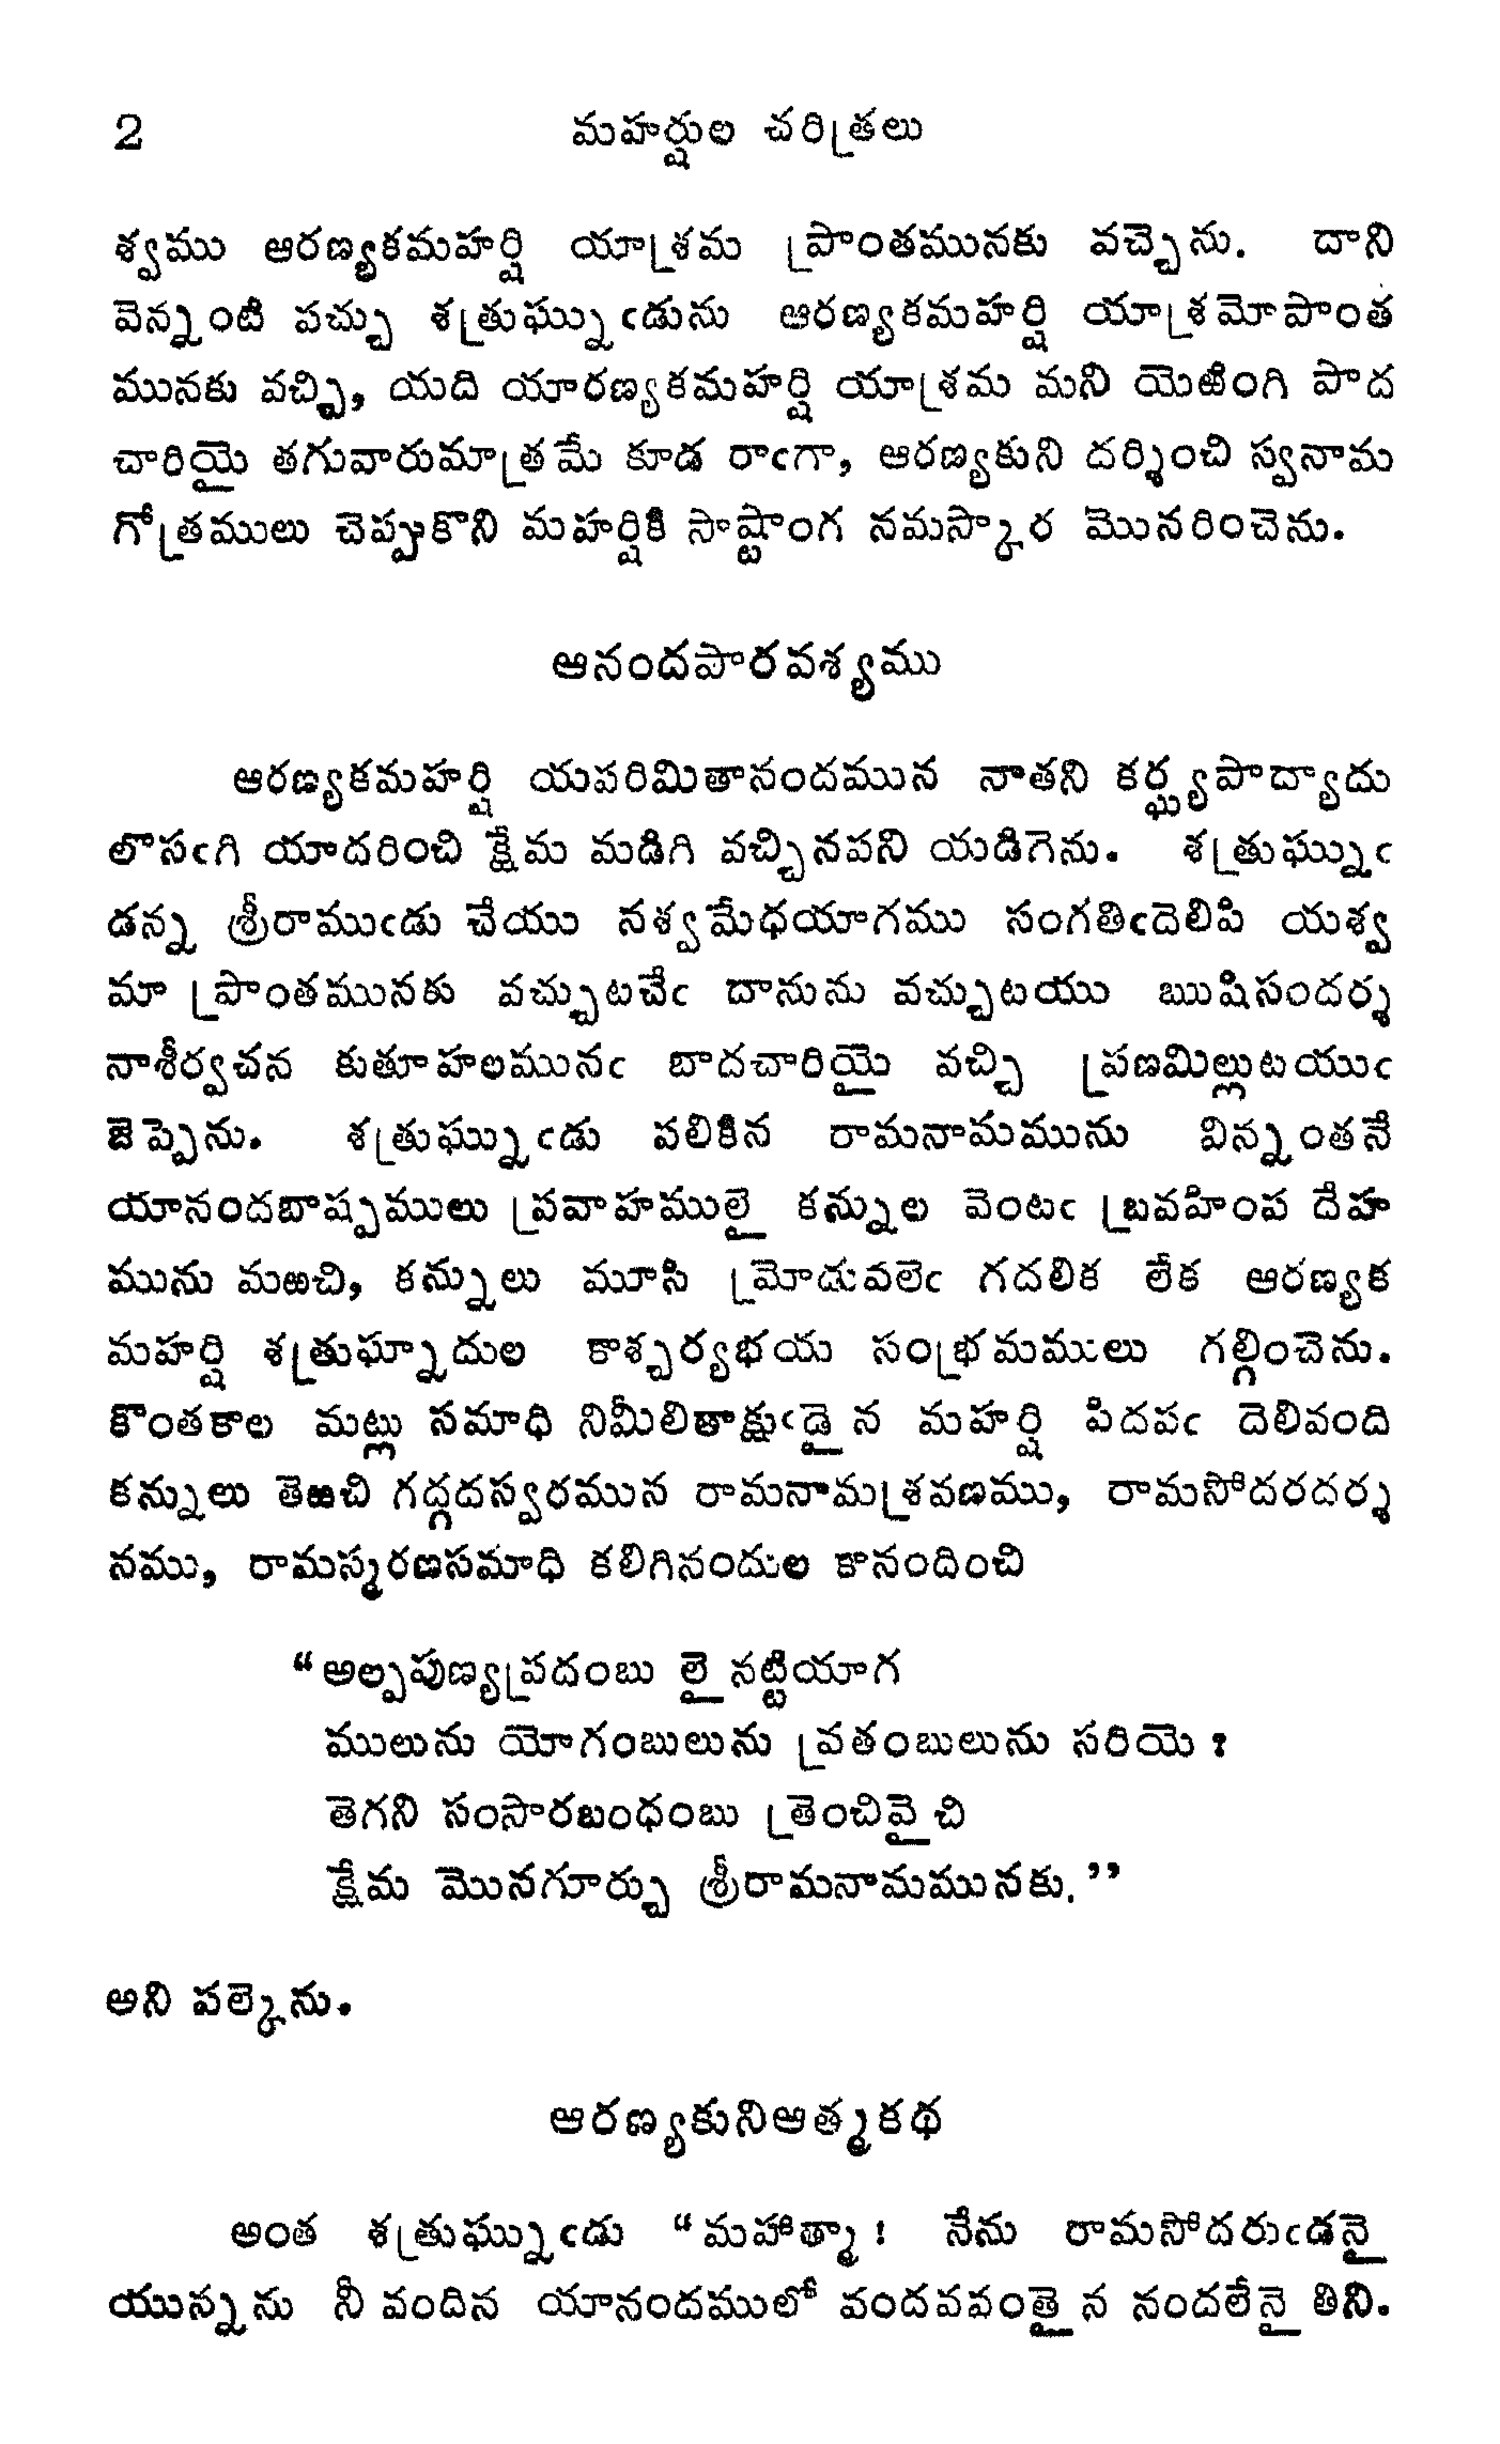శ్వము ఆరణ్యకమహర్షి యాశ్రమ ప్రాంతమునకు వచ్చెను. దాని వెన్నంటి వచ్చు శత్రుఘ్నుడును ఆరణ్యకమహర్షి యాశ్రమోపాంతమునకు వచ్చి, యది యారణ్యకమహర్షి యాశ్రమ మని యెఱింగి పాదచారియై తగువారుమాత్రమే కూడ రాగా, ఆరణ్యకుని దర్శించి స్వనామ గోత్రములు చెప్పుకొని మహర్షికి సాష్టాంగ నమస్కార మొనరించెను.

ఆరణ్యకమహర్షి యపరిమితానందమున నాతని కర్ఘ్యపాద్యాదు లొసగి యాదరించి క్షేమ మడిగి వచ్చినపని యడిగెను. శత్రుఘ్నుడన్న శ్రీరాముడు చేయు నశ్వమేధయాగము సంగతి దెలిపి యశ్వ మా ప్రాంతమునకు వచ్చుటచే దానును వచ్చుటయు ఋషిసందర్శనాశీర్వచ్న కుతూహలమున బాదచారియై వచ్చి ప్రణమిల్లుటయు జెప్పెను. శత్రుఘ్నుడు పలికిన రామనామమును విన్నంతనే యానందబాష్పములు ప్రవాహములై కన్నుల వెంట బ్రవహింప దేహమును మరచి, కన్నులు ముసి మ్రోడువలె గదలిక లేక ఆరణ్యక మహర్షి శత్రుఘ్నాదుల కాశ్చర్యభయ సంభ్రమములు గల్గించెను. కొంతకాల మట్లు సమాధి నిమీలితాక్షుడైన మహర్షి పిదప దెలివంది కన్నులు తెరచి గద్గదస్వరమున రామనామశ్రవణము, రామసోదరదర్శనము, రామస్మరణసమాధి కలిగినందుల కానందించి

" అల్పపుణ్యప్రదంబు లైనట్టియాగ
ములును యోగంబులును వ్రతంబులును సరియె ?
తెగని సంసారబంధంబు త్రెంచివైచి
క్షేమ మొనగూర్చు శ్రీరామనామమునకు."

అని పల్కెను.

అంత శత్రుఘ్నుడు "మహాత్మా ! నేను రామసోదరుడనై యున్నను నీ వందిన యానందములో వందవవంతైన నందలేనైతిని.